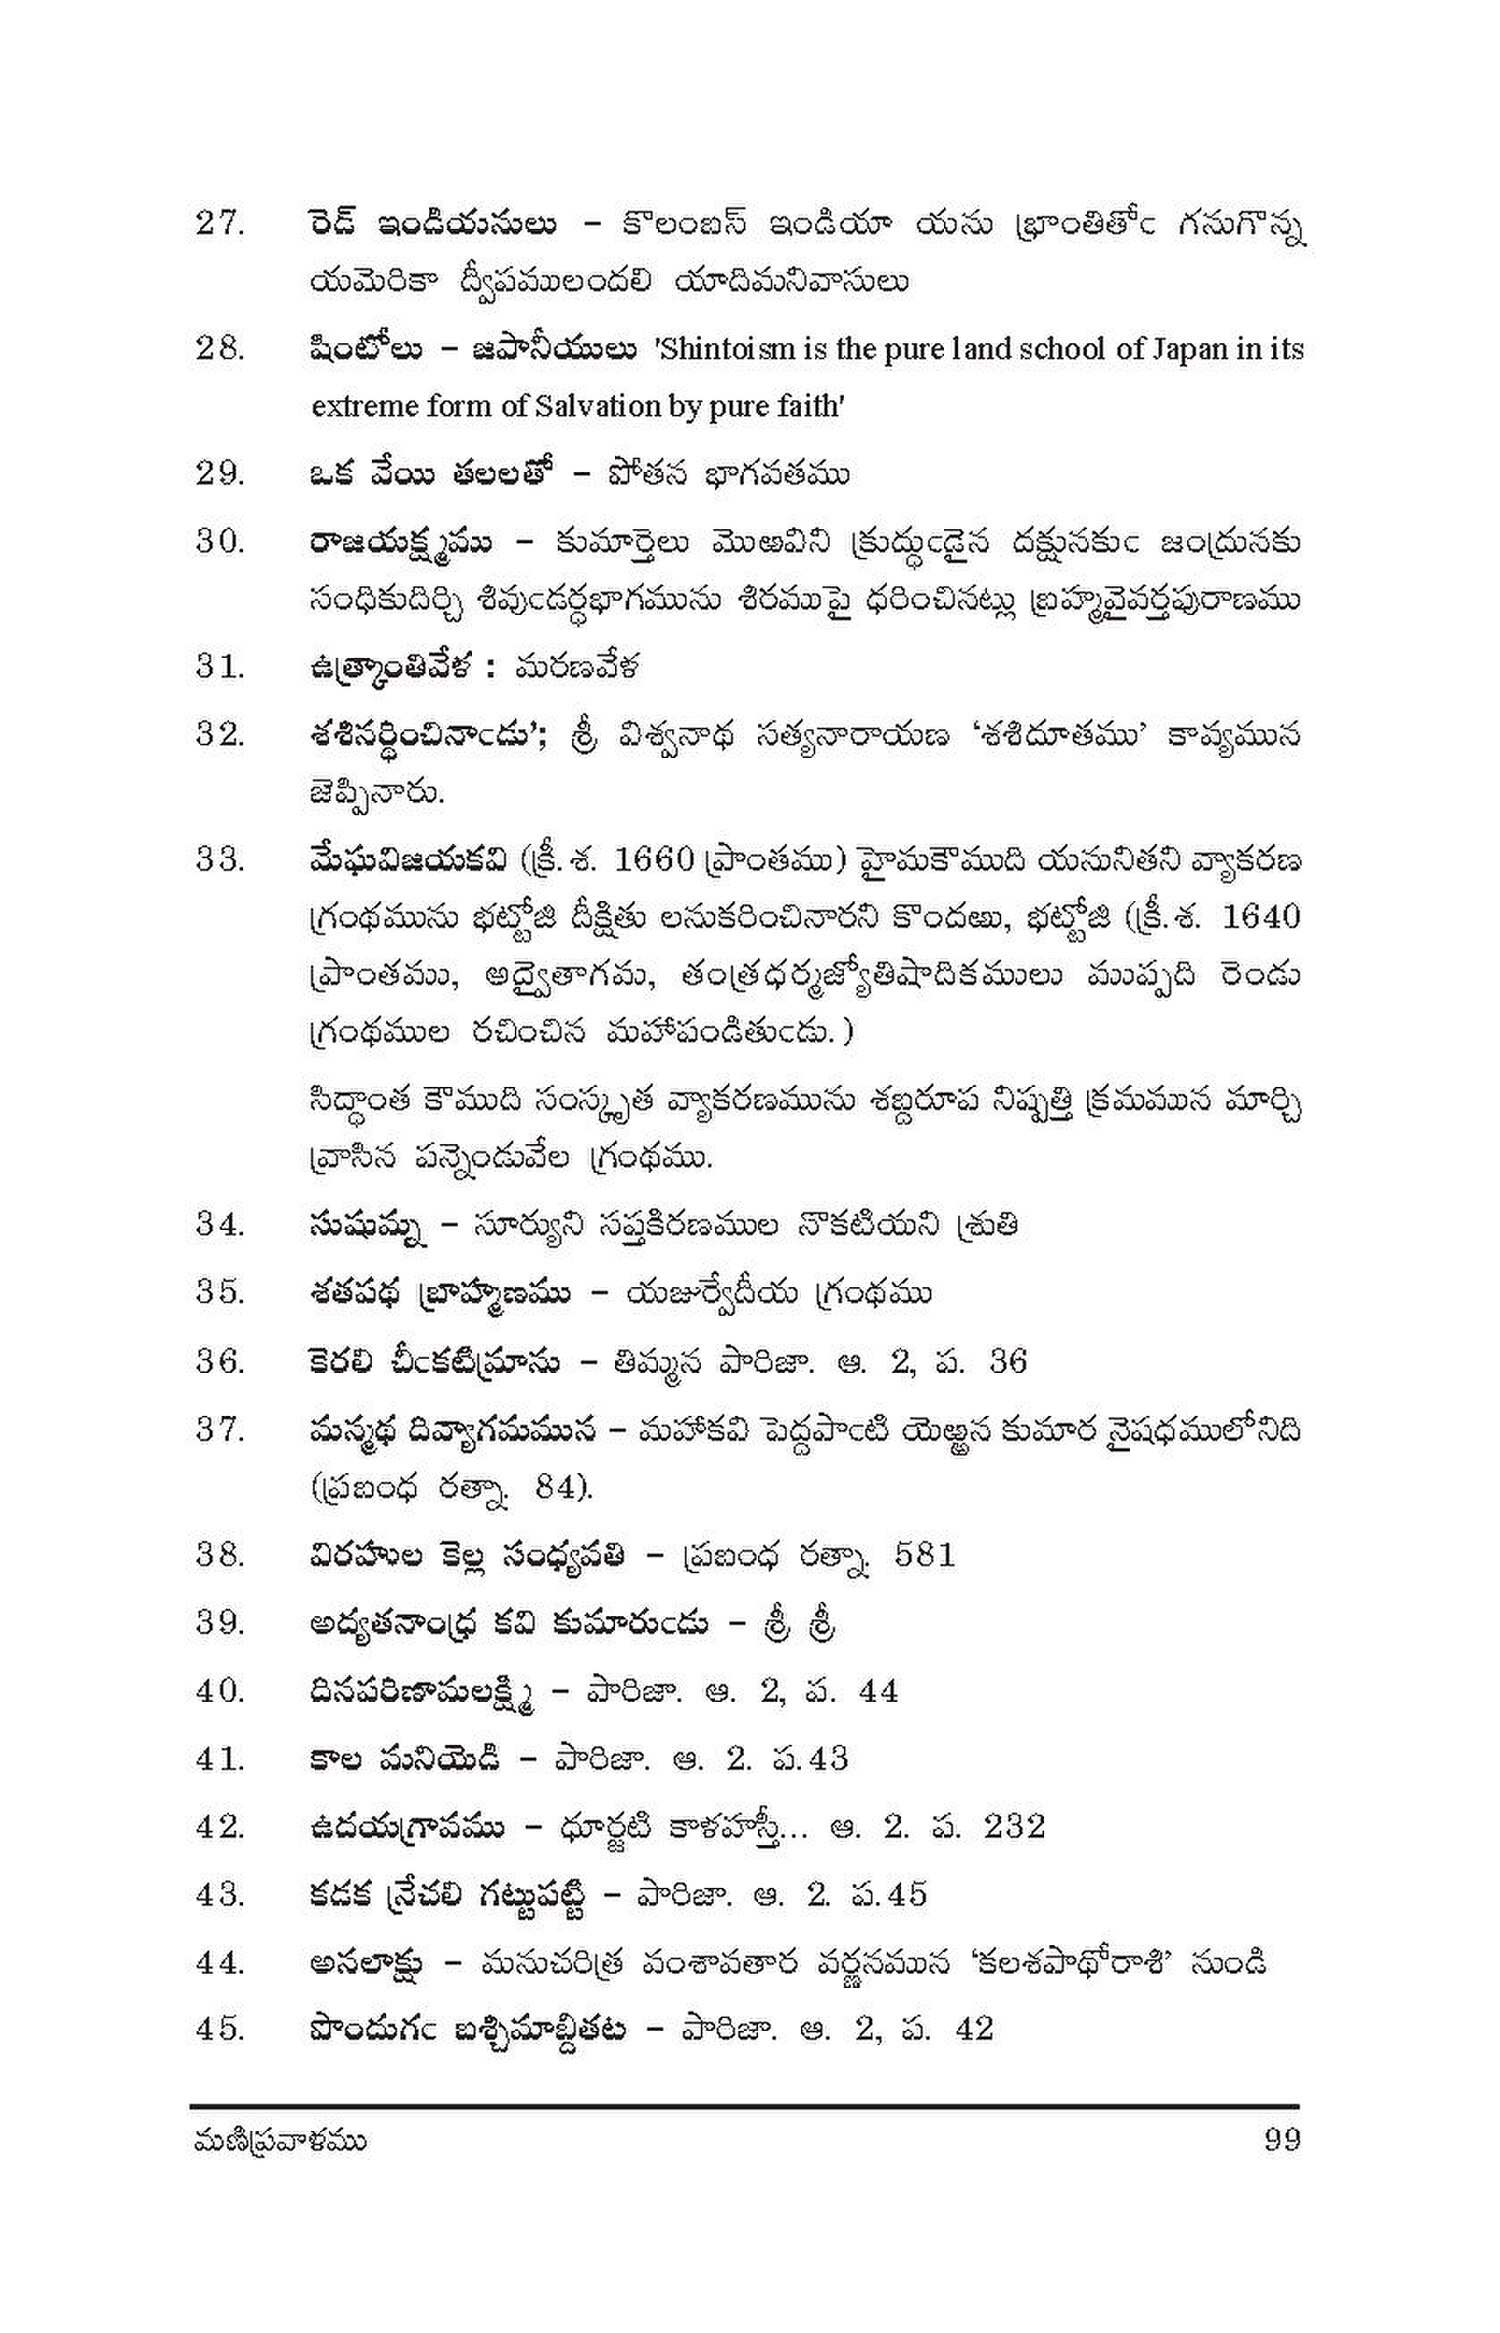27. రెడ్ ఇండియనులు - కొలంబస్ ఇండియా యను భ్రాంతితోఁ గనుగొన్న
యమెరికా ద్వీపములందలి యాదిమనివాసులు

28. షింటోలు - జపానీయులు 'Shintoism is the pure land school of Japan in its
extreme form of Salvation by pure faith'

29. ఒక వేయి తలలతో - పోతన భాగవతము

30. రాజయక్ష్మము - కుమార్తెలు మొఱవిని క్రుద్ధుఁడైన దక్షునకుఁ జంద్రునకు
సంధికుదిర్చి శివుఁడర్ధభాగమును శిరముపై ధరించినట్లు బ్రహ్మవైవర్తపురాణము

31. ఉత్క్రాంతివేళ : మరణవేళ

32. శశినర్ధించినాఁడు'; శ్రీ విశ్వనాథ సత్యనారాయణ 'శశిదూతము' కావ్యమున
జెప్పినారు.

33. మేఘవిజయకవి (క్రీ.శ. 1660 ప్రాంతము) హైమకౌముది యనునితని వ్యాకరణ
గ్రంథమును భట్టోజి దీక్షితు లనుకరించినారని కొందఱు, భట్టోజి (క్రీ.శ. 1640
ప్రాంతము) అద్వైతాగమ, తంత్రధర్మజ్యోతిషాదికములు ముప్పది రెండు
గ్రంథములు రచించిన మహాపండితుఁడు.)
సిద్ధాంత కౌముది సంస్కృత వ్యాకరణమును శబ్దరూప నిష్పత్తి క్రమమున మార్చి
వ్రాసిన పన్నెండువేల గ్రంథము.

34. సుషుమ్న- సూర్యుని సప్తకిరణముల నొకటియని శ్రుతి

35. శతపథ బ్రాహ్మణము - యజుర్వేదీయ గ్రంథము

36.కెరలి చీఁకటిమ్రాను - తిమ్మన పారిజా. ఆ. 2, ప. 36

37. మన్మథ దివ్యాగమమున – మహాకవి పెద్దపాఁటి యెఱ్ఱన కుమార నైషధములోనిది
(ప్రబంధ రత్నా. 84).

38. విరహుల కెల్ల సంధ్యవతి - ప్రబంధ రత్నా. 581

39. అద్యతనాంధ్ర కవి కుమారుఁడు - శ్రీ శ్రీ 

40. దినపరిణామలక్ష్మి - పారిజా. ఆ. 2, ప. 44

41. కాల మనియెడి పారిజా. ఆ. 2. ప. 43
-
42. ఉదయగ్రావము - ధూర్జటి కాళహస్తీ... ఆ. 2. ప. 232

43. కడక న్రేచలి గట్టుపట్టి - పారిజా. ఆ. 2. ప. 45

44. అనలాక్షు - మనుచరిత్ర వంశావతార వర్ణనమున 'కలశపాథోరాశి' నుండి

45. పొందుగఁ బశ్చిమాబ్దితట - పారిజా. ఆ. 2, ప. 42
____________________________________________________________________________________________________